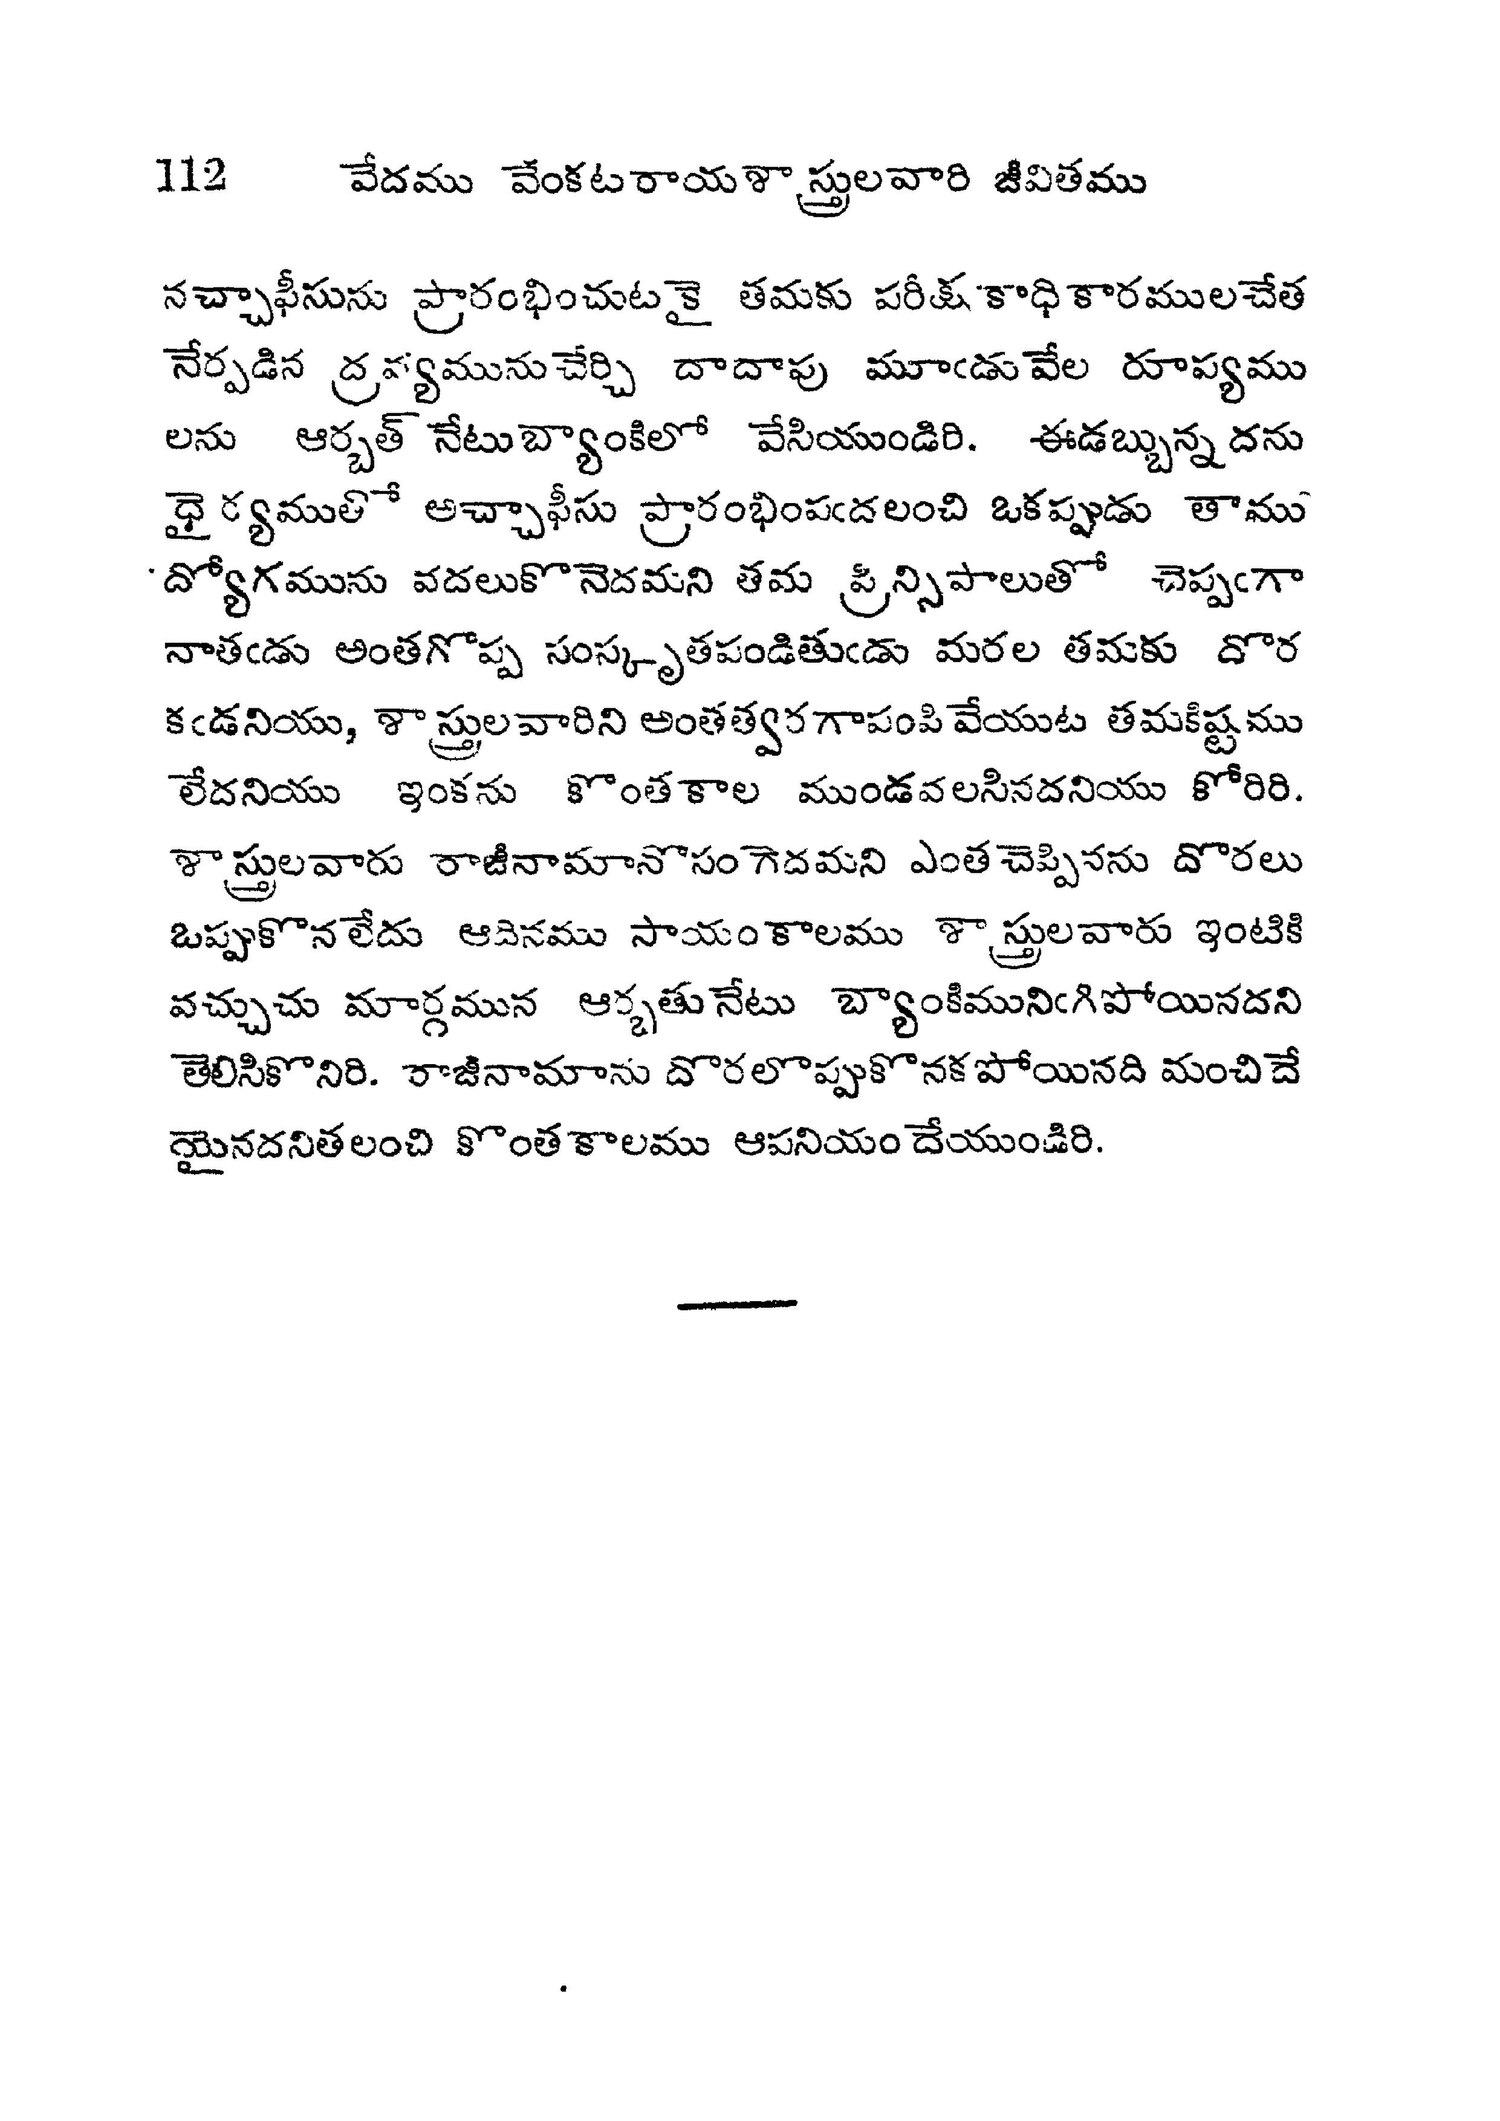నచ్చాఫీసును ప్రారంభించుటకై తమకు పరీక్షకాధికారములచేత నేర్పడిన ద్రవ్యమునుచేర్చి దాదాపు మూడువేల రూప్యములను ఆర్బత్ నేటుబ్యాంకిలో వేసియుండిరి. ఈడబ్బున్నదను ధైర్యముతో అచ్చాఫీసు ప్రారంభింపదలంచి ఒకప్పుడు తాముద్యోగమును వదలుకొనెదమని తమ ప్రిన్సిపాలుతో చెప్పగా నాతడు అంతగొప్ప సంస్కృతపండితుడు మరల తమకు దొరకడనియు, శాస్త్రులవారిని అంతత్వరగాపంపివేయుట తమకిష్టము లేదనియు ఇంకను కొంతకాల ముండవలసినదనియు కోరిరి. శాస్త్రులవారు రాజీనామానొసంగెదమని ఎంతచెప్పినను దొరలు ఒప్పుకొనలేదు ఆదినము సాయంకాలము శాస్త్రులవారు ఇంటికి వచ్చుచు మార్గమున ఆర్బతునేటు బ్యాంకిమునిగిపోయినదని తెలిసికొనిరి. రాజినామాను దొరలొప్పుకొనకపోయినది మంచిదే యైనదనితలంచి కొంతకాలము ఆపనియందేయుండిరి.

____________